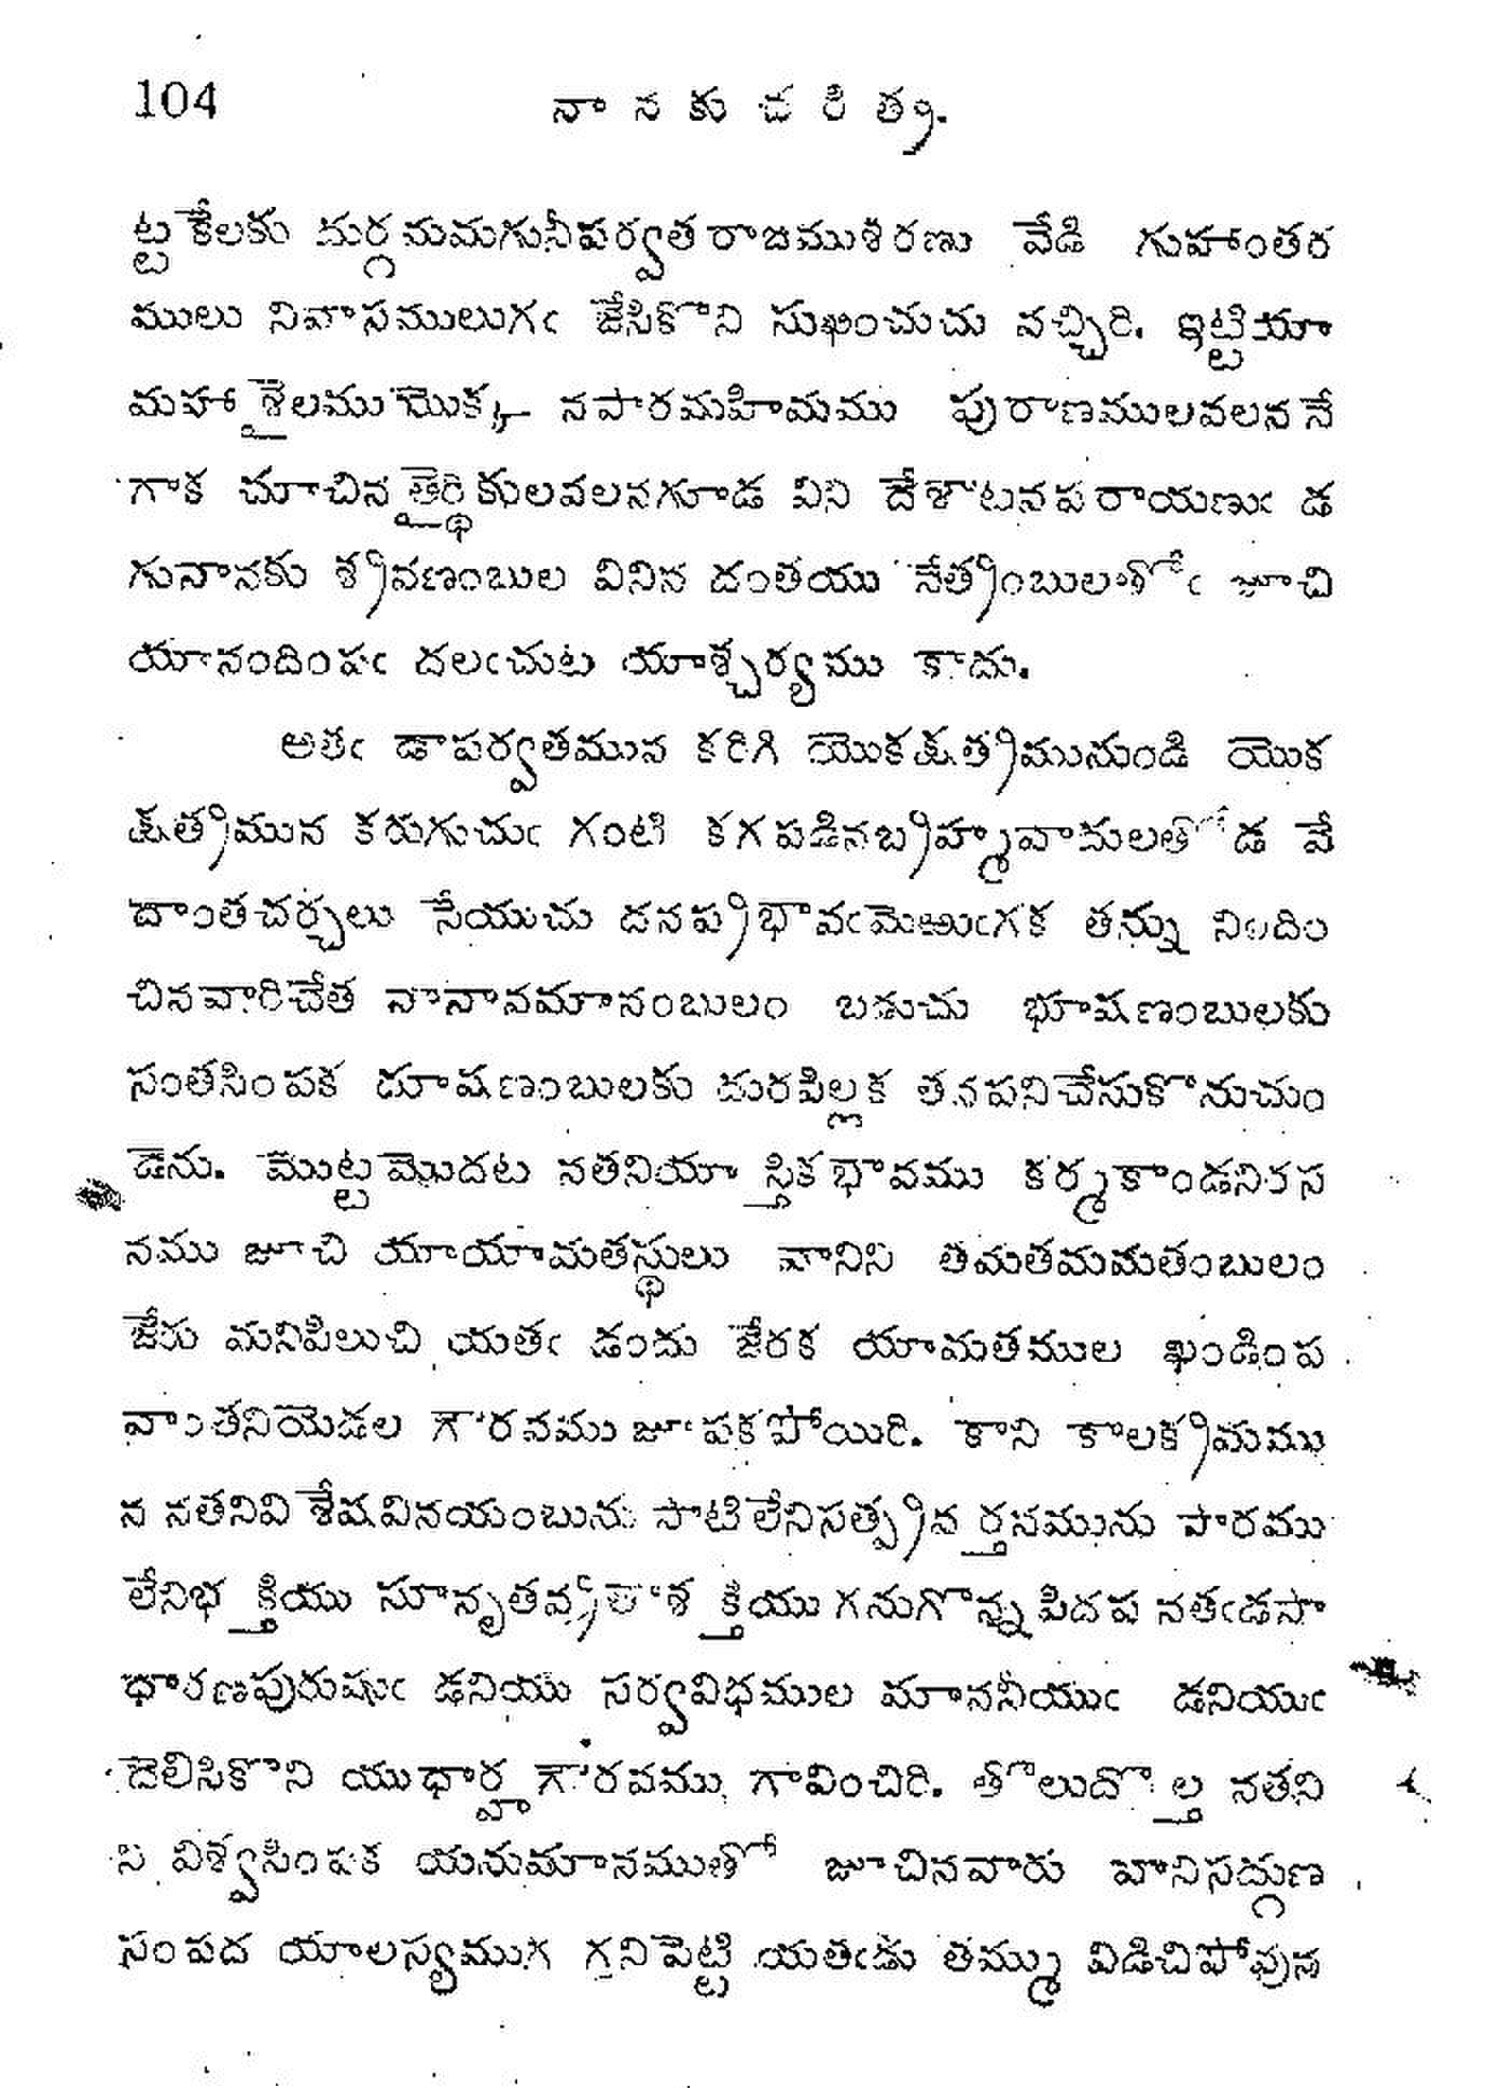ట్టకేలకు దుర్గమమగునీపర్వతరాజముశరణు వేడి గుహాంతరములు నివాసములుగ జేసికొని సుఖించుచు వచ్చిరి. ఇట్టియామహాశైలముయొక్క నపారమహిమము పురాణములవలననేగాక చూచినతైర్థికులవలనగూడ విని దేశాటనపరాయణ డగునానకు శ్రవణంబుల వినిన దంతయు నేత్రంబులతో జూచి యానందింప దలచుట యాశ్చర్యము కాదు.

అత డాపర్వతమున కరిగి యొకక్షత్రమునుండి యొక క్షత్రమున కరుగుచు గంటి కగపడినబ్రహ్మవాదులతోడ వేదాంతచర్చలు సేయుచు దనప్రభావమెఱుగక తన్ను నిందించినవారిచేత నానావమానంబులం బడుచు భూషణంబులకు సంతసింపక దూషణంబులకు దురపిల్లక తనపనిచేసుకొనుచుండెను. మొట్టమొదట నతనియాసక్తిభావము కర్మకాండనిరసనము జూచి యాయామతస్థులు వానిని తమతమమతంబులంజేరు మనిపిలుచి యత డందు జేరక యామతముల ఖండింపవాంతనియెడల గౌరవము జూపకపోయిరి. కాని కాలక్రమమున నతనివి శేషవినయంబును సాటిలేనిసత్ప్రవర్తనమును సారము లేనిభక్తియు సూనృతవ్రతాశక్తియు గనుగొన్నపిదప నతడసాధారణపురుషు డనియు సర్వవిధముల మాననీయు డనియు దెలిసికొని యుధార్హగౌరవము గావించిరి. తొలుదొల్త నతనిని విశ్వసింపక యనుమానముతో జూచినవారు వానిసద్గుణసంపద యాలస్యముగ గనిపెట్టి యతడు తమ్ము విడిచిపోవున